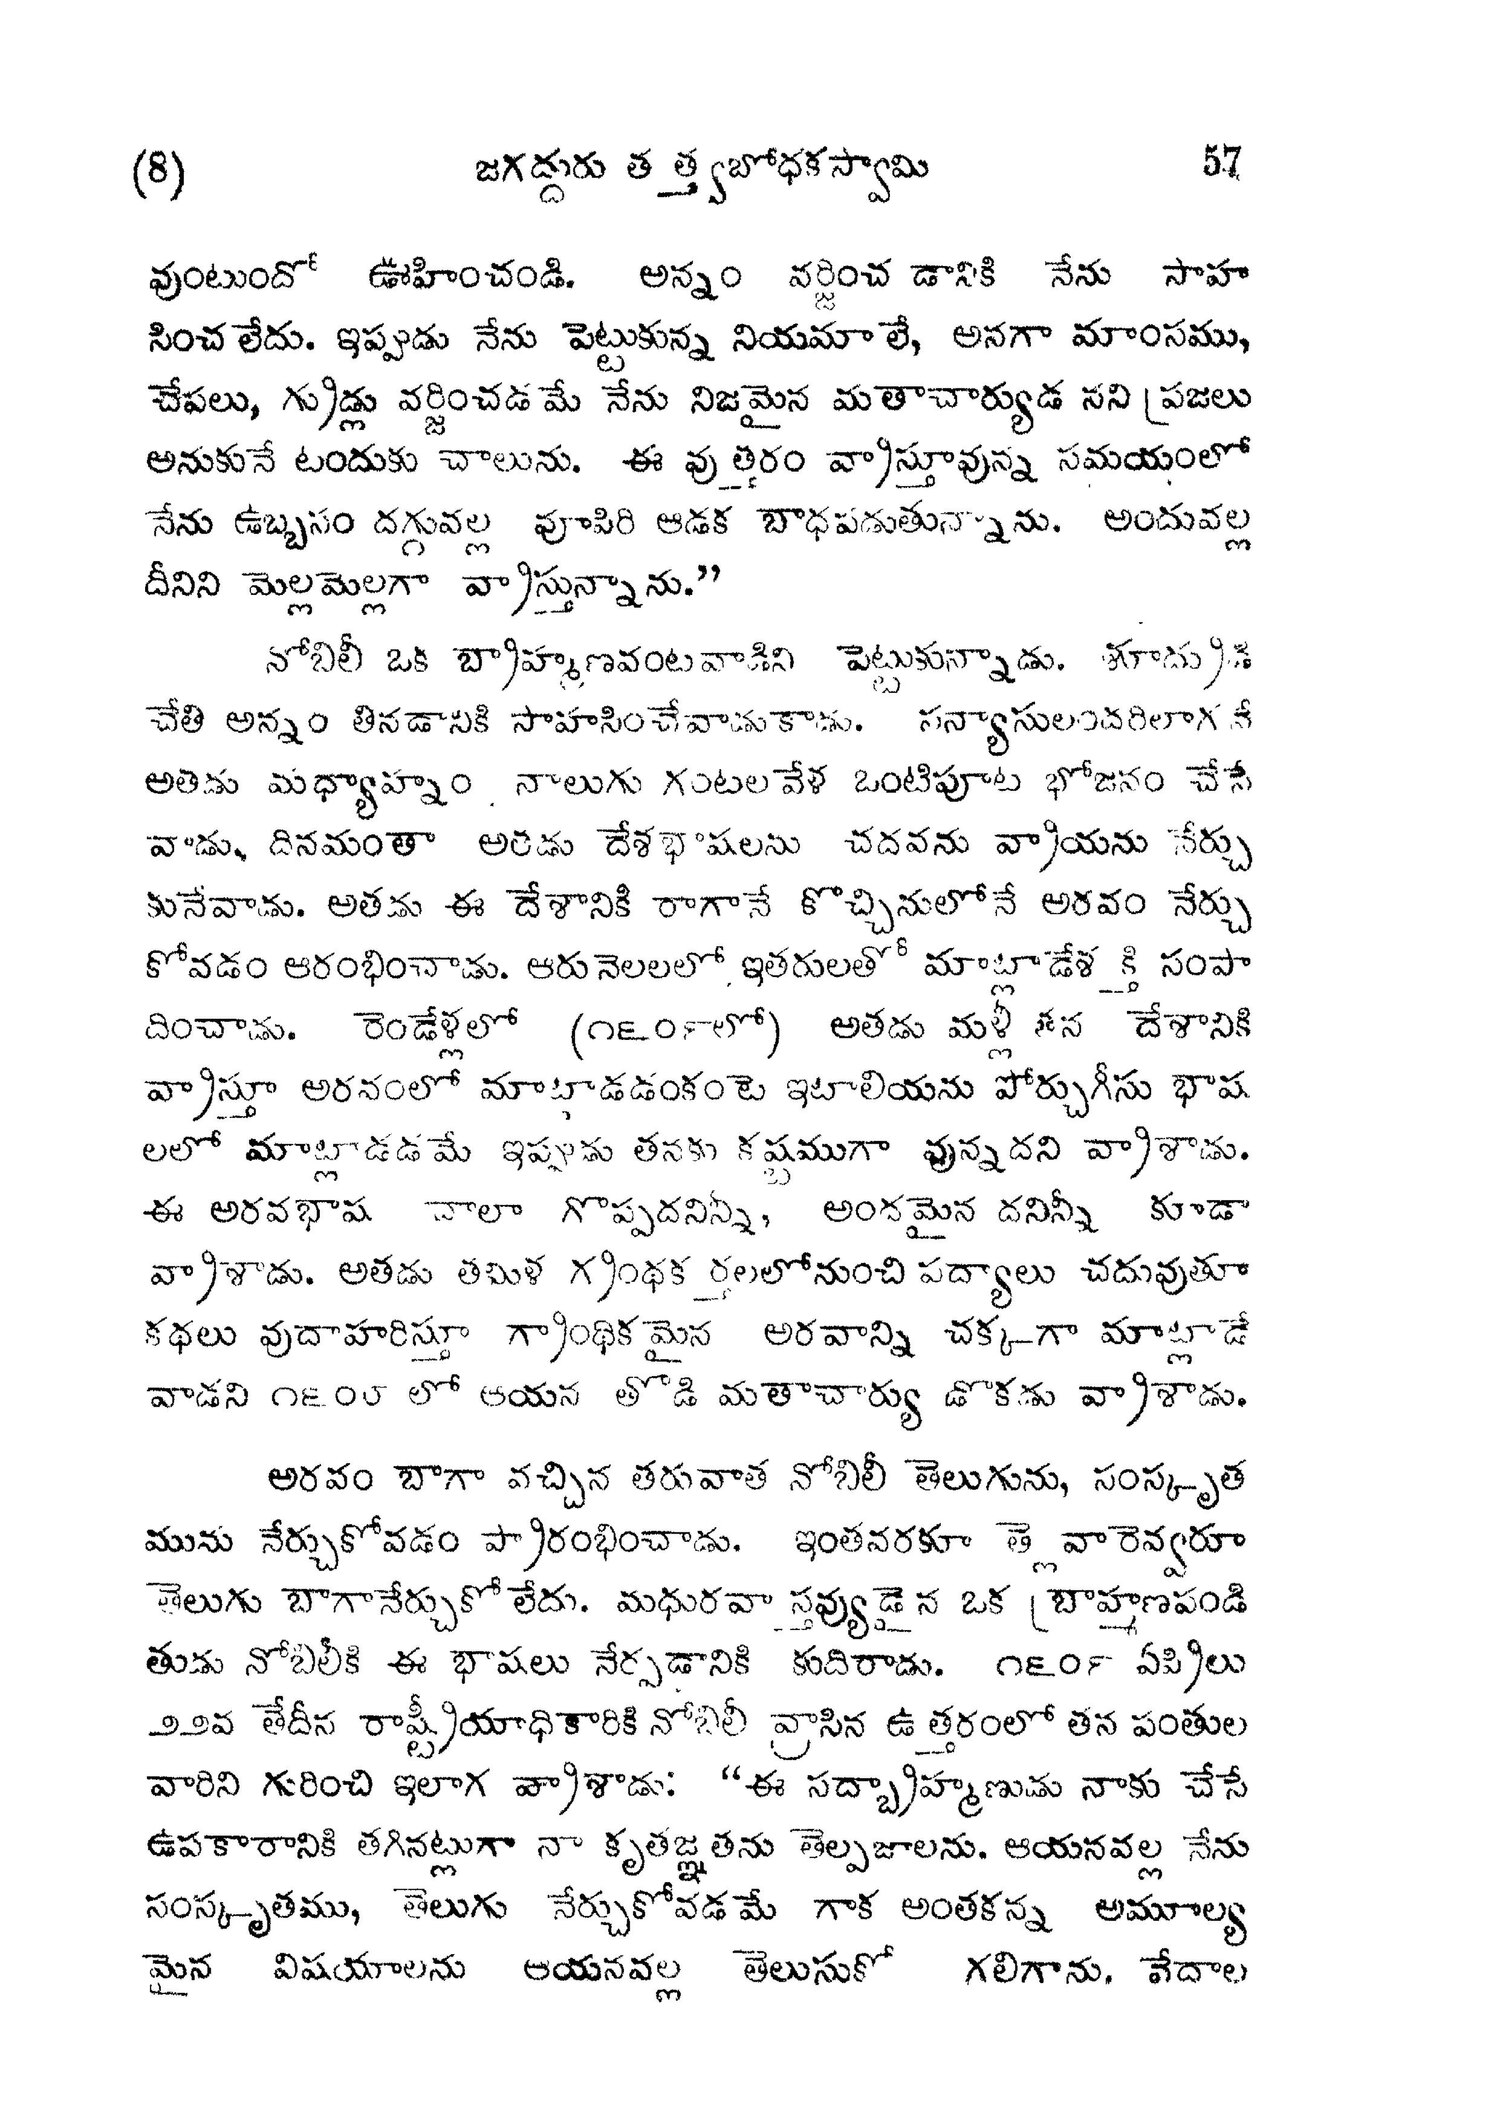వుంటుందో ఊహించండి. అన్నం వర్జించడానికి నేను సాహసించ లేదు. ఇప్పుడు నేను పెట్టుకున్న నియమాలే, అనగా మాంసము, చేపలు, గ్రుడ్లు వర్జించడమే నేను నిజమైన మతాచార్యుడ నని ప్రజలు అనుకునేటందుకు చాలును. ఈ వుత్తరం వ్రాస్తూవున్న సమయంలో నేను ఉబ్బసం దగ్గువల్ల వూపిరి ఆడక బాధపడుతున్నాను. అందువల్ల దీనిని మెల్లమల్లగవ్రాస్తున్నాను."

నోబిలీ ఒక బ్రాహ్మణవంటవాడిని పెట్టుకున్నాడు. శూద్రుని చేతి అన్నం తినడానికి సాహసించేవాడుకాదు. సన్యాసులందరిలాగనే అతడు మధ్యాహ్నం నాలుగు గంటలవేళ వంటిపూట భోజనం చేసేవాడు. దినమంతా అతడు దేశ భాషలను చదవను వ్రాయను నేర్చుకునేవాడు. అతడు ఈ దేశానికి రాగానే కొచ్చినులోనే అరవం నేర్చుకొవడం ఆరంభించాడు. ఆరునెలలు ఇతరులతో మాట్లాడేశక్తి సంపాదించాడు. రెండేళ్లలో (1909 లో) అతడు మళ్లీ తన దేశానికి వ్రాస్తూ అరవంలో మాట్లాడడంకంటె ఇటాలియను పోర్చుగీసు భాషలలో మాట్లాడడమే ఇప్పుడు తనకు కష్టముగా వున్నదని వ్రాశాడు. ఈ అరవభాష చాలా గొప్పదనిన్నీ, అందమైన దనిన్నీ కూడా వ్రాశాడు. అతడు తమిళ గ్రంధకర్తలలోనుంచి పద్యాలు చదువుతూ కధలు వుదాహరిస్తూ గ్రాంధికమైన అరవాన్ని చక్కగా మాట్లాడే వాడని 1608 లో ఆయన తోడి మతాచార్యుడొకడు వ్రాశాడు.

అరవం బాగా వచ్చిన తరువాత నోబిలీ తెలుగును, సంస్కృతమును నేర్చుకోవడం ప్రారంభించాడు. ఇంతవరకూ తెల్లవారెవరూ తెలుగు బాగానేర్చుకోలేదు. మధురవాస్తవ్యుడైన ఒక బ్రాహ్మణపండితుడు నోబిలీకి ఈ భాషలు నేర్పడానికి కుదిరాడు. 1609 ఏప్రిలు 22 వ తేదీన రాష్ట్రీయాధికారికి నోబిలీ వ్రాసిన ఉత్తరంలో తన పంతులు వారిని గురించి ఇలాగ వ్రాశాడు. "ఈ సద్భ్రాహ్మణుడు నాకు చేసే ఉపకారానికి తగినట్లుగా నాకృతజ్ఞతను తెల్పజాలను. ఆయనవల్ల నేను సంస్కృతము, తెలుగు నేర్చుకొనడమే గాక అంతకన్న అమూల్యమైన విషయాలను ఆయనవల్ల తెలుసుకో గలిగాను. వేదాల